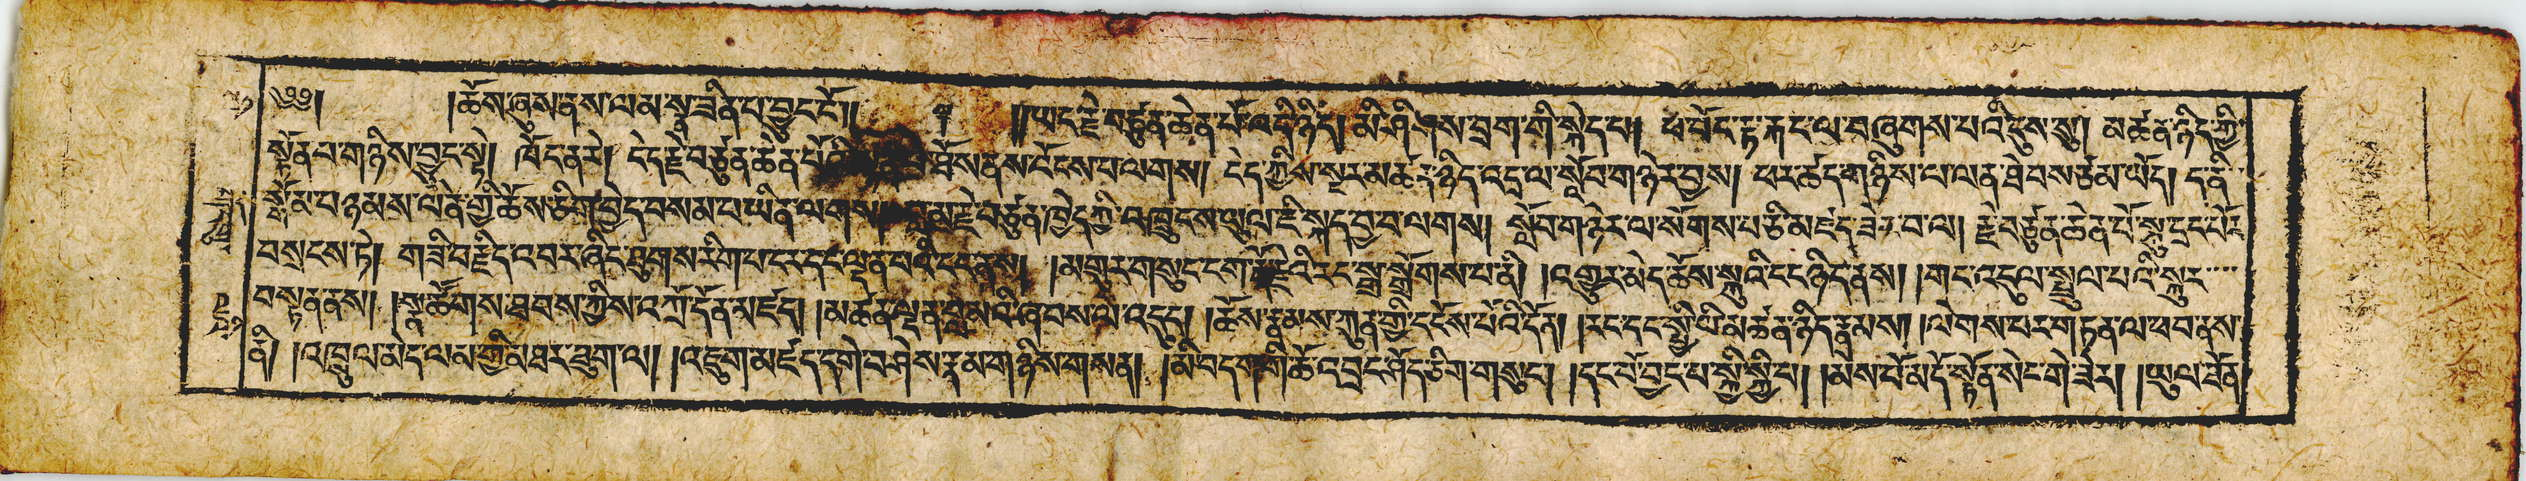ཆོས་ཞུས་ནས་ལམ་སྣ་ཟིན་པ་བྱུང་ངོ་། །ཡང་རྗེ་བཙུན་ཆེན་པོ་འདི་ཉིད་མི་ཤིགས་བྲག་གི་སྐྱེད་པ། ཕ་བོང་རྟ་རྐང་ལ་བཞུགས་པའི་དུས་སུ། མཚན་ཉིད་ཀྱི་
སྟོན་པ་གཉིས་བྱུང་སྟེ། ཁོང་ན་རེ། ངེད་རྗེ་བཙུན་ཆེན་པོ་ཐོས་ནས་འོངས་པ་ལགས། ངེད་ཀྱིས་སྔར་མཚན་ཉིད་འདྲ་ལ་སློབ་གཉེར་བྱས། ཕར་ཚད་གཉིས་པ་ལན་ཐེབས་ཙམ་ཡོད། ད་ནི་
སྒོམ་པ་ཉམས་ལེན་གྱི་ཆོས་ཅིག་བྱེད་བསམ་པ་ཡིན་ལགས། བླ་མ་རྗེ་བཙུན་ཁྱེད་ཀྱི་འཁྲུངས་ཡུལ་ཇི་སྐད་བྱ་བ་ལགས། སློབ་གཉེར་ལ་སོགས་པ་ཅི་མཛད་ཟེར་བ་ལ། རྗེ་བཙུན་ཆེན་པོ་སྐུ་དྲང་པོར་
བསྲངས་ཏེ། གཟི་བརྗིད་འབར་ཞིང་ཐུགས་རིག་པ་ངར་དང་ལྡན་པའི་ངང་ནས། །མགུར་གསུང་ངག་རྡོ་རྗེའི་རང་སྒྲ་སྒྲོགས་པ་ནི། །འགྱུར་མེད་ཆོས་སྐུའི་ངང་ཉིད་ནས། །གང་འདུལ་སྤྲུལ་པའི་སྐུར་
བསྟན་ནས། །སྣ་ཚོགས་ཐབས་ཀྱིས་འགྲོ་དོན་མཛད། །མཚན་ལྡན་བླ་མའི་ཞབས་ལ་འདུད། །ཆོས་རྣམས་ཀུན་གྱི་དངོས་པོའི་དོན། །རང་དང་སྤྱི་ཡི་མཚན་ཉིད་རྣམས། །ལེགས་པར་གཏན་ལ་ཕབ་ནས་
ནི། །འཁྲུལ་མེད་ལམ་གྱི་མཐར་ཐུག་ལ། །འཇུག་མཛད་དགེ་བཤེས་རྣམ་གཉིས་གསན། །མི་བདག་གི་ཆོ་འབྲང་ཤོད་ཅིག་གསུང་། །དང་པོ་བྱང་པ་སྐྱི་སྐྱི་པ། །མེས་པོ་མདོ་སྟོན་སེང་གེ་ཟེར། །ཡུལ་ཐོན་